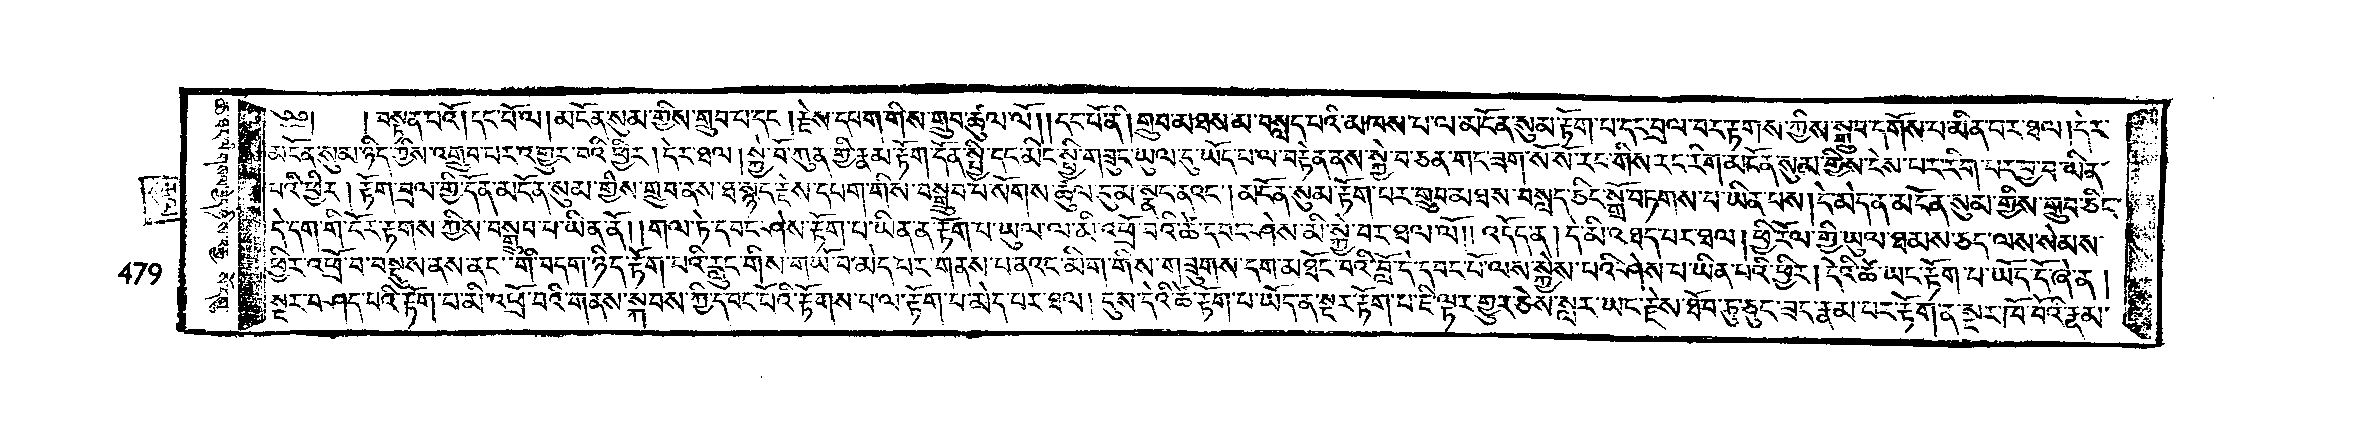༄༅། །བསྟན་པའོ། དང་པོ་ལ། མངོན་སུམ་གྱིས་གྲུབ་པ་དང་། རྗེས་དཔག་གིས་གྲུབ་ཚུལ་ལོ། །དང་པོ་ནི། གྲུབ་མཐས་མ་བསླད་པའི་མཁས་པ་ལ་མངོན་སུམ་རྟོག་པ་དང་བྲལ་བར་རྟགས་ཀྱིས་སྒྲུབ་དགོས་པ་མིན་པར་ཐལ། དེར་
མངོན་སུམ་ཉིད་ཀྱིས་འགྲུབ་པར་འགྱུར་བའི་ཕྱིར། དེར་ཐལ། སྐྱེ་བོ་ཀུན་གྱི་རྣམ་རྟོག་དོན་སྤྱི་དང་མིང་སྤྱི་གཟུང་ཡུལ་དུ་ཡོད་པ་ལ་བརྟེན་ནས་སྐྱེ་བ་ཅན་གང་ཟག་སོ་སོ་རང་གིས་རང་རིག་མངོན་སུམ་གྱིས་ངེས་པར་རིག་པར་བྱ་བ་ཡིན་
པའི་ཕྱིར། རྟོག་བྲལ་གྱི་དོན་མངོན་སུམ་གྱིས་གྲུབ་ནས་ཐ་སྙད་རྗེས་དཔག་གིས་བསྒྲུབ་པ་སོགས་ཚུལ་དུ་མ་སྣང་ནའང་། མངོན་སུམ་རྟོག་པར་གྲུབ་མཐས་བསླད་ཅིང་སྒྲོ་བཏགས་པ་ཡིན་པས། དེ་མེད་ན་མངོན་སུམ་གྱིས་གྲུབ་ཅིང་
དེ་དག་གི་ངོར་རྟགས་ཀྱིས་བསྒྲུབ་པ་ཡིན་ནོ། །གལ་ཏེ་དབང་ཤེས་རྟོག་པ་ཡིན་ན་རྟོག་པ་ཡུལ་ལ་མི་འཕྲོ་བའི་ཚེ་དབང་ཤེས་མི་སྐྱེ་བར་ཐལ་ལོ། །འདོད་ན། དེ་མི་འཐད་པར་ཐལ། ཕྱི་རོལ་གྱི་ཡུལ་ཐམས་ཅད་ལས་སེམས་
ཕྱིར་འཕྲོ་བ་བསྡུས་ནས་ནང་གི་བདག་ཉིད་རྟོག་པའི་རླུང་གིས་གཡོ་བ་མེད་པར་གནས་པ་ནའང་མིག་གིས་གཟུགས་དག་མཐོང་བའི་བློ་དེ་དབང་པོ་ལས་སྐྱེས་པའི་ཤེས་པ་ཡིན་པའི་ཕྱིར། དེའི་ཚེ་ཡང་རྟོག་པ་ཡོད་དོ་ཞེ་ན།
སྔར་བཤད་པའི་རྟོག་པ་མི་འཕྲོ་བའི་གནས་སྐབས་ཀྱི་དབང་པོའི་རྟོགས་པ་ལ་རྟོག་པ་མེད་པར་ཐལ། དུས་དེའི་ཚེ་རྟོག་པ་ཡོད་ན་སྔར་རྟོག་པ་ཇི་ལྟར་གྱུར་ཅེས་སླར་ཡང་རྗེས་ཐོབ་ཏུ་ཅུང་ཟད་རྣམ་པར་རྟོག་ན་སྔར་ཁོ་བོའི་རྣམ་